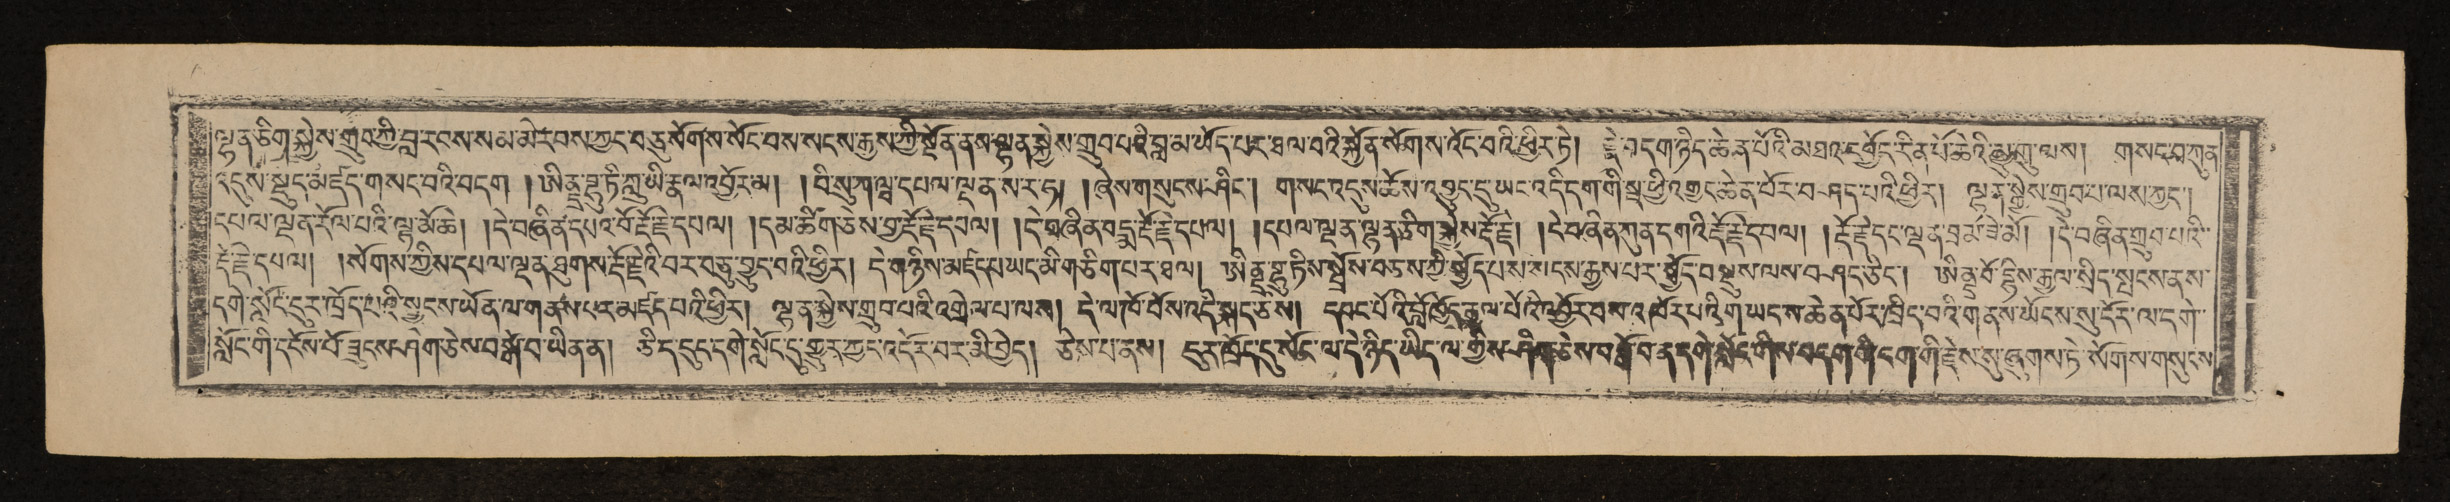ལྷན་ཅིག་སྐྱེས་གྲུབ་ཀྱི་བླ་རབས་སམ་མི་རབས་ཀྱང་བཅུ་སོགས་སོང་བས་སངས་རྒྱས་ཀྱི་སྔོན་ནས་ལྷན་སྐྱེས་གྲུབ་པའི་བླ་མ་ཡོད་པར་ཐལ་བའི་སྐྱོན་སོགས་འོང་པའི་ཕྱིར་ཏེ། རྗེ་བདག་ཉིད་ཆེན་པོའི་མཐའ་དཔྱོད་རིན་པོ་ཆེའི་མྱུ་གུ་ལས། གསང་བ་ཀུན་
འདུས་སྡུད་མཛད་གསང་བའི་བདག །ཨིནྡྲ་བྷུ་ཏི་ཀླུ་ཡི་རྣལ་འབྱོར་མ། །བི་སུ་ཀལྤ་དཔལ་ལྡན་སར་ཧ། །ཞེས་གསུངས་ཤིང་། གསང་འདུས་ཆོས་འབྱུང་དུ་ཡང་འདི་དག་གི་སྔ་ཕྱི་འགྱང་ཆེན་པོར་བཤད་པའི་ཕྱིར། །ལྷན་སྐྱེས་གྲུབ་པ་ལས་ཀྱང་།
དཔལ་ལྡན་རོལ་པའི་ལྷ་མོ་ཆེ། །དེ་བཞིན་དཔའ་བོ་རྡོ་རྗེ་དཔལ། །དམ་ཚིག་ཅེས་བྱ་རྡོ་རྗེ་དཔལ། །དེ་བཞིན་པདམ་རྡོ་རྗེ་དཔལ། །དཔལ་ལྡན་ལྷན་ཅིག་སྐྱེས་རྡོ་རྗེ། །དེ་བཞིན་ཀུན་དགའི་རྡོ་རྗེ་དཔལ། །རྡོ་རྗེ་དང་ལྡན་བྲམ་ཟེ་མོ། །དེ་བཞིན་གྲུབ་པའི་
རྡོ་རྗེ་དཔལ། །སོགས་ཀྱིས་དཔལ་ལྡན་ཐུགས་རྡོ་རྗེའི་བར་བཅུ་བྱུང་བའི་ཕྱིར། དེ་གཉིས་མཛད་པ་ཡང་མི་གཅིག་པར་ཐལ། ཨིནྡྲ་བྷུ་ཏིས་སྤྲོས་བཅས་ཀྱི་སྤྱོད་པ་ས་སངས་རྒྱས་པར་སྤྱོད་བསྡུས་ལས་བཤད་ཅིང་། ཨིནྡྲ་བོ་དྷིས་རྒྱལ་སྲིད་སྤངས་ནས་
དགེ་སློང་དུར་ཁྲོད་པའི་སྤྱངས་ཡོན་ལ་གནས་པར་མཛད་པའི་ཕྱིར། ལྷན་སྐྱེས་གྲུབ་པའི་འགྲེལ་པ་ལས། དེ་ལ་ཁོ་བོས་འདི་སྐད་ཅེས། དབང་པོའི་བློ་ཁྱོད་རྒྱལ་པོའི་འབྱོར་པས་འཁོར་བའི་གཡང་ས་ཆེན་པོར་ཁྲིད་པའི་གནས་ཡོངས་སུ་དོར་ལ་དགེ་
སློང་གི་དངོས་པོ་ཟུངས་ཤིག་ཅེས་བསྒོ་བ་ཡིན་ན། ཅི་ད་དུང་དགེ་སློང་དུ་གྱུར་ཀྱང་འདོར་བར་མི་བྱེད། ཅེས་པ་ནས། དུར་ཁྲོད་དུ་སོང་ལ་དེ་ཉིད་ཡིད་ལ་གྱིས་ཤིག་ཅེས་བསྒོ་བ་ན་དགེ་སློང་གིས་བདག་གི་ངག་གི་རྗེས་སུ་ཞུགས་ཏེ་སོགས་གསུངས་